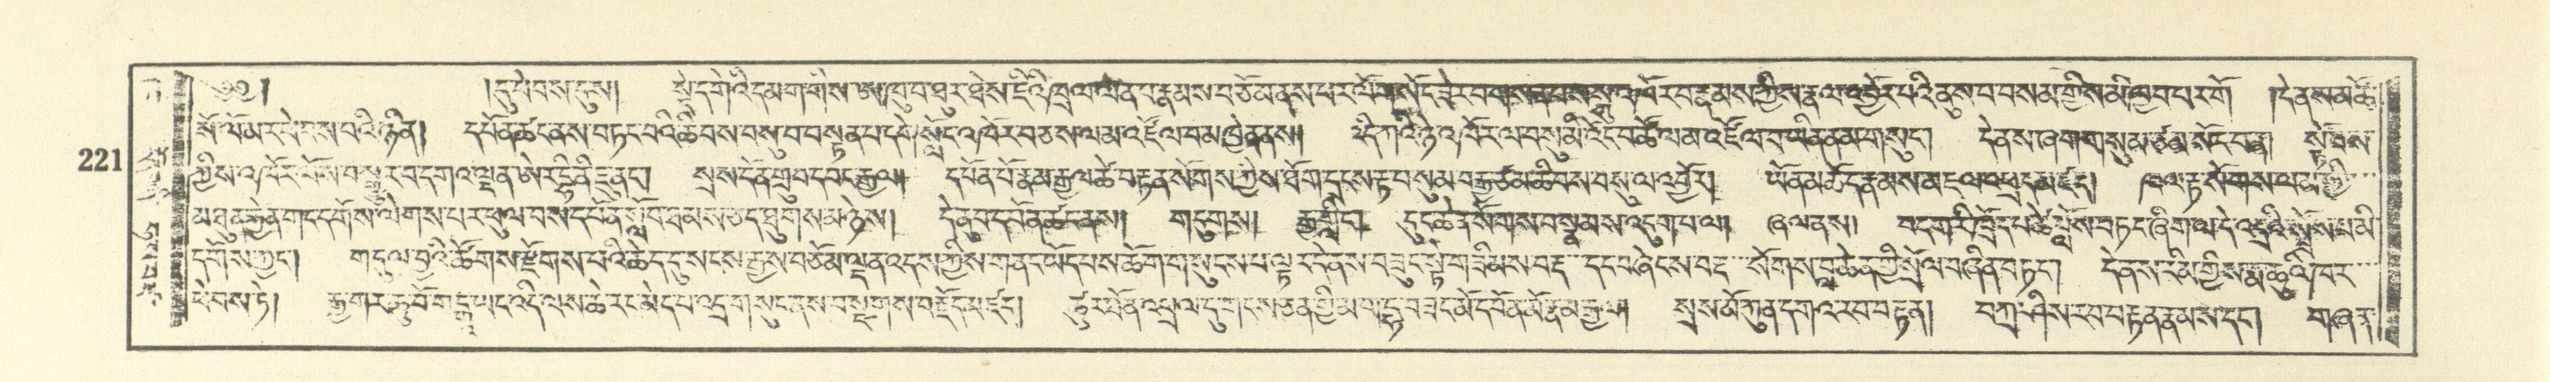༄༅། །དུ་ཕེབས་དུས། སྡེ་དགེའི་དམག་གིས་ཨ་ཁུ་བ་ཐུར་ཐེས་ཇིའི་ཁྲལ་ལེན་པ་རྣམས་བཅོམ་ནས་ཕར་ལོག་སོང་ཟེར་བ་གསན་པས་སྐུ་འཁོར་བ་རྣམས་ཀྱིས་རྣལ་འབྱོར་བའི་ནུས་པ་བསམ་གྱིས་མི་ཁྱབ་པར་གོ །དེ་ནས་མཚོ་
སོ་ལོ་མར་ཕེབས་པའི་ཉིན། དཔོན་ཚང་ནས་བཏང་བའི་ཆིབས་བསུ་བ་བསྟན་བ་དགེ་སློང་འཁོར་བཅས་ལམ་འཛོལ་བ་མཁྱེན་ནས། འདི་ཀའི་ཉེ་འཁོར་ལ་བ་སུ་མི་འོང་བ་ཚོ་ལམ་འཛོལ་བ་ཡིན་ནམ་གསུང་། དེ་ནས་ཞག་གསུམ་ཙམ་སོང་བ་ན། སྟོབས་
ཀྱིས་འཁོར་ལོས་བསྒྱུར་བ་དགའ་ལྡན་ཨེར་དྷི་ནི་ཇུ་ནང་། སྲས་དོན་གྲུབ་དབང་རྒྱལ། དཔོན་པོ་རྣམ་རྒྱལ་ཚེ་བརྟན་སོགས་ཀྱིས་ཐོག་དྲངས་རྟ་པ་སུམ་བརྒྱ་ཙམ་ཆིབས་བསུ་ལ་འབྱོར། ཡོན་མཆོད་རྣམས་མཇལ་འཕྲད་མཛད། ཁལ་རྟ་སོགས་ལམ་གྱི་
མཐུན་རྐྱེན་གང་དགོས་ལེགས་པར་ཕུལ་བས་དཔོན་སློབ་ཐམས་ཅད་ཐུགས་མཉེས། དེ་ནུབ་དཔོན་ཚང་ནས། གདུགས། རྒྱ་གླིང་། དུང་ཆེན་སོགས་བསྣམས་འདུག་པ་ལ། ཞལ་ནས། བདག་རི་ཁྲོད་པ་ཚེ་བློས་བཏང་ཞིག་ལ་དེ་འདྲའི་སྦྲོས་པ་མི་
དགོས་ཀྱང་། གདུལ་བྱའི་ཚོགས་རྫོགས་པའི་ཆེད་དུ་སངས་རྒྱས་བཅོམ་ལྡན་འདས་ཀྱིས་གནང་ཡོད་པས་ཆོག་གསུང་པ་ལྟར་དེ་ནས་བཟུང་སྟེ་གཟིམས་བརྡ་དང་བཞེངས་བརྡ་སོགས་བླ་ཆེན་གྱི་སྲོལ་བཞིད་བཏང་། དེ་ནས་རིམ་གྱིས་རྨ་ཆུའི་ཁར་
ཕེབས་ཏེ། རྒྱ་གར་ཆུ་བོ་གངྒཱ་ཡང་འདི་ལས་ཆེ་རང་མེད་པ་འདྲ་གསུང་ནས་བསྔགས་བརྗོད་མཛད། ཚུར་ཐོན་འཕྲལ་དུ་གངས་ཅན་གྱི་མ་ག་དྷ་བཟང་མོ་དབོན་མོ་རྣམ་རྒྱལ། སྲས་མོ་ཀུན་དགའ་རབ་བརྟན། བཀྲ་ཤེས་རབ་བརྟན་རྣམས་དང་། གཞན་